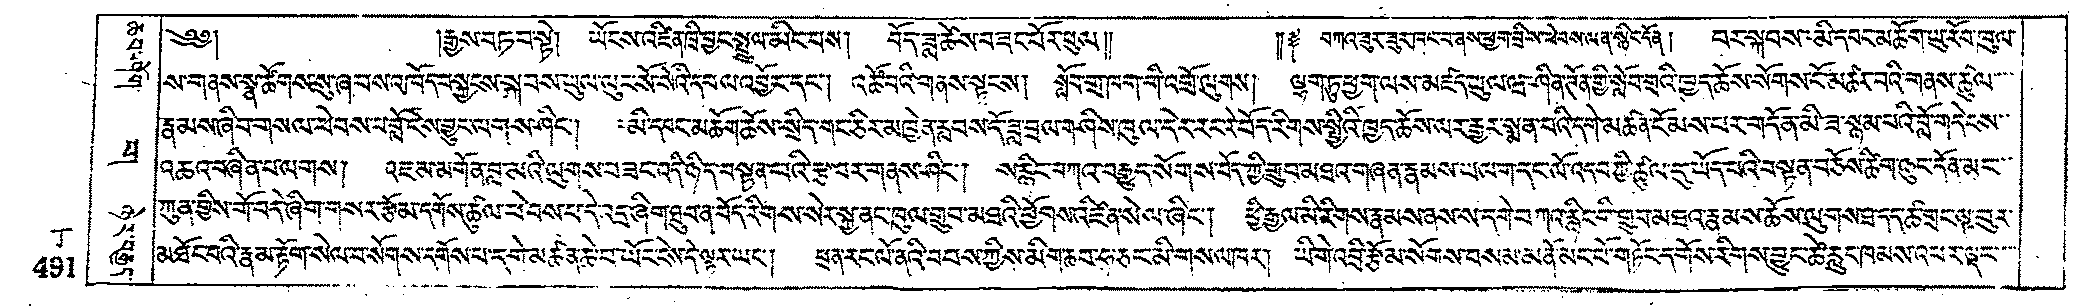༄༅། །རྒྱས་བཏབ་སྟེ། ཡོངས་འཛིན་ཁྲི་བྱང་སྤྲུལ་མིང་པས། བོད་ཟླ་ཚེས་བཟང་པོར་ཕུལ།། །། འ་བཀའ་ཟུར་ཟུར་ཁང་པ་ནས་ཕྱག་བྲིས་ཕེབས་ལན་སྙིང་དོན།  བར་སྐབས ༧མི་དབང་མཆོག་ཡུ་རོབ་ཁུལ་
ས་གནས་སྣ་ཚོགས་སུ་ཞབས་འཁོད་བསྐྱངས་སྐབས་ཡུལ་ལུང་སོ་སོའི་དཔལ་འབྱོར་དང་། འཚོ་བའི་གནས་སྟངས། སློབ་གྲ་ཁག་གི་འགྲོ་ལུགས། ལྷག་ཏུ་ཕྱག་ལས་མཛད་ཡུལ་ཝ་ཤིན་ཊོན་གྱི་སློབ་གྲའི་ཁྱད་ཆོས་སོགས་ངོ་མཚར་བའི་གནས་ཚུལ་་་
རྣམས་ཞིབ་གསལ་ཕེབས་པ་བློ་ངེས་བྱུང་ལགས་ཤིང་། ༧མི་དབང་མཆོག་ཆོས་སྲིད་གང་ཅིར་མཁྱེན་རླབས་དོ་ཟླ་བྲལ་གཤིས་ཁུལ་དེར་རང་རེ་བོད་རིགས་སྤྱིའི་ཁྱད་ཆོས་ལར་རྒྱར་སྨན་པའི་དགེ་མཚན་ངོམས་པར་གདོན་མི་ཟ་སྙམ་པའི་བློ་གདེངྶ་་་
འཆའ་བཞིན་པ་ལགས། འཇམ་མགོན་བླ་མའི་ལུགས་བཟང་འདི་ཉིད་བསྟན་པའི་རྩ་བར་གནས་ཤིང་། ས་རྙིང་བཀའ་བརྒྱུད་སོགས་བོད་ཀྱི་གྲུབ་མཐའ་གཞན་རྣམས་ཡལ་ག་དང་ལོ་འདབ་ཀྱི་ཚུལ་དུ་ཡོད་པའི་བསྟན་བཅོས་ཚིག་ཉུང་དོན་མང་་་
ཀུན་གྱིས་གོ་བདེ་ཞིག་གསར་རྩོམ་དགོས་ཚུལ་ཕེབས་པ་དེ་འདྲ་ཞིག་ཐུབ་ན་བོད་རིགས་སེར་སྐྱ་ནང་ཁུལ་གྲུབ་མཐའི་ཕྱོགས་འཛིན་སེལ་ཞིང་། ཕྱི་རྒྱལ་མི་རིགས་རྣམས་ནས་ས་དགེ་བཀའ་རྙིང་གི་གྲུབ་མཐའ་རྣམས་ཆོས་ལུགས་ཐ་དད་ཚ་གྲང་ལྟ་བུར་
མཐོང་བའི་རྣམ་རྟོག་སེལ་བ་སོགས་དགོས་པ་དགེ་མཚན་ཆེ་བ་ཡོང་ངེས་དེ་ལྟར་ཡང་། ཕྲན་རང་ལོ་ནའི་བབས་ཀྱིས་མིག་ཆབ་ཧ་ཅང་མི་གསལ་ཁར། ཡི་གེ་འབྲི་རྩོམ་སོགས་བསམ་མནོ་མང་པོ་གཏོང་དགོས་རིགས་བྱུང་ཚེ་རླུང་ཁམས་འཕར་ལྡང་་་